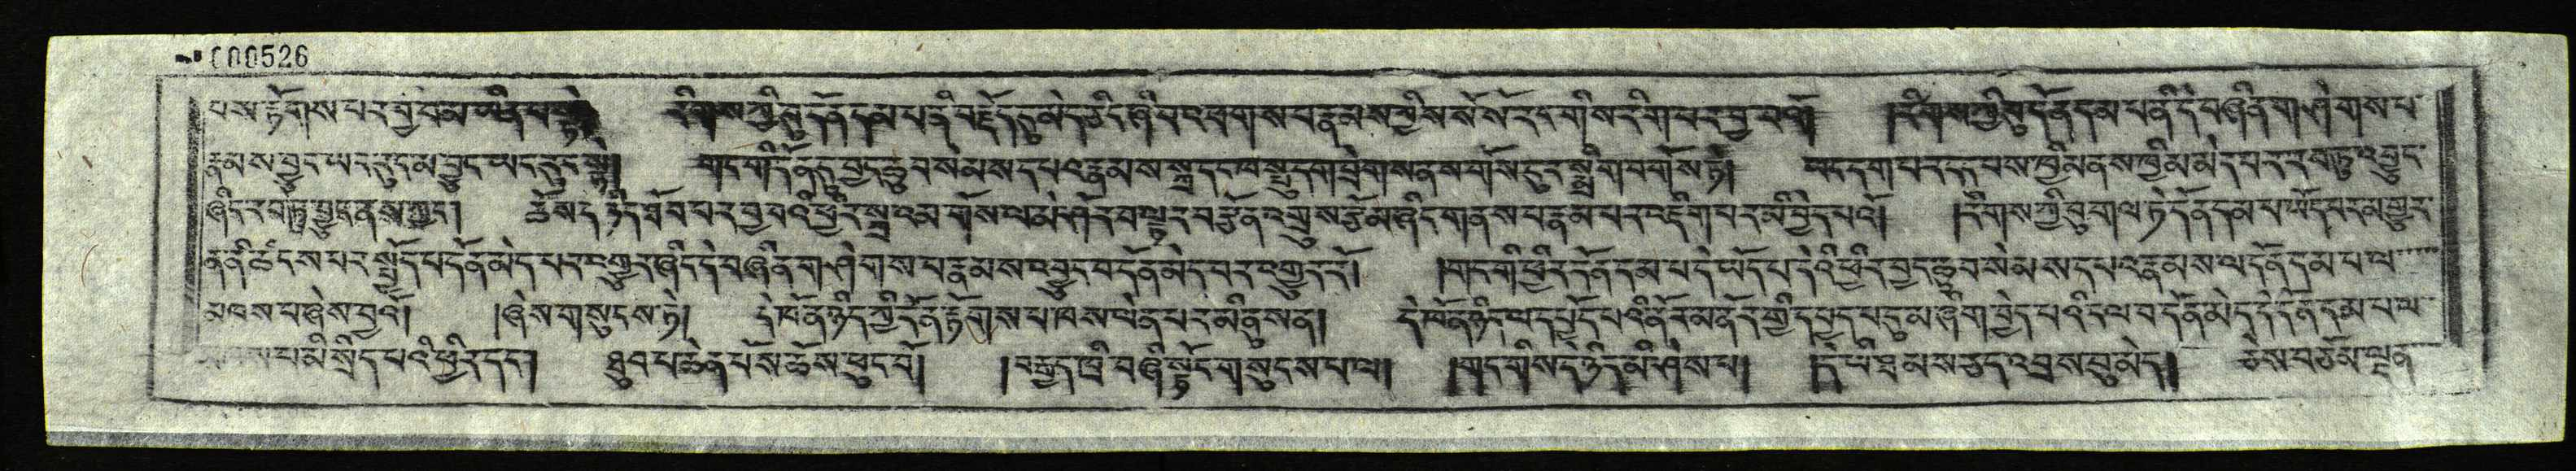པས་རྟོགས་པར་བྱ་བ་མ་ཡིན་པ་སྟེ། རིགས་ཀྱི་བུ་དོན་དམ་པ་ནི་བརྗོད་དུ་མེད་ཅིང་ཞི་བ་འཕགས་པ་རྣམས་ཀྱིས་སོ་སོ་རང་གིས་རིག་པར་བྱ་བའོ། །རིགས་ཀྱི་བུ་དོན་དམ་པ་ནི་དེ་བཞིན་གཤེགས་པ་
རྣམས་བྱུང་ཡང་རུང་མ་བྱུང་ཡང་རུང་སྟེ། གང་གི་དོན་དུ་བྱང་ཆུབ་སེམས་དཔའ་རྣམས་སྐྲ་དང་ཁ་སྤུ་དག་བྲེགས་ནས་གོས་དུར་སྨྲིག་པ་གོས་ཏེ། ཡང་དག་པར་དད་པས་ཁྱིམ་ནས་ཁྱིམ་མེད་པར་རབ་ཏུ་འབྱུང་
ཞིང་རབ་ཏུ་བྱུང་ནས་ཀྱང་། ཆོས་དེ་ཉིད་ཐོབ་པར་བྱ་བའི་ཕྱིར་སྒྲ་འམ་གོས་ལ་མེ་ཤོར་བ་ལྟར་བརྩོན་འགྲུས་རྩོམ་ཞིང་གནས་པ་རྣམ་པར་འཇིག་པར་མི་བྱེད་པའོ། །རིགས་ཀྱི་བུ་གལ་ཏེ་དོན་དམ་པ་ཡོད་པར་མ་གྱུར་
ན་ནི་ཚངས་པར་སྤྱོད་པ་དོན་མེད་པར་འགྱུར་ཞིང་དེ་བཞིན་གཤེགས་པ་རྣམས་འབྱུང་བ་དོན་མེད་པར་འགྱུར་རོ། །གང་གི་ཕྱིར་དོན་དམ་པ་དེ་ཡོད་པ་དེའི་ཕྱིར་བྱང་ཆུབ་སེམས་དཔའ་རྣམས་ལ་དོན་དམ་པ་ལ་
མཁས་པ་ཞེས་བྱའོ། །ཞེས་གསུངས་ཏེ། དེ་ཁོ་ན་ཉིད་ཀྱི་དོན་རྟོགས་པ་ཁས་ལེན་པར་མི་ནུས་ན། དེ་ཁོ་ན་ཉིད་ལ་དཔྱོད་པའི་ནོར་མ་ནོར་གྱི་དཔྱད་པ་དུ་མ་ཞིག་བྱེད་པའི་དལ་བ་དོན་མེད་དེ་དོན་དམ་པ་ལ་
མཁས་པ་མི་སྲིད་པའི་ཕྱིར་དང་། ཐུབ་པ་ཆེན་པོས་ཆོས་ཕུང་པོ། །བརྒྱད་ཁྲི་བཞི་སྟོང་གསུངས་པ་ལ། །གང་གིས་དེ་ཉིད་མི་ཤེས་པ། །དེ་ཡི་ཐམས་ཅད་འབྲས་བུ་མེད། ཆེས་བཅོམ་ལྡན་